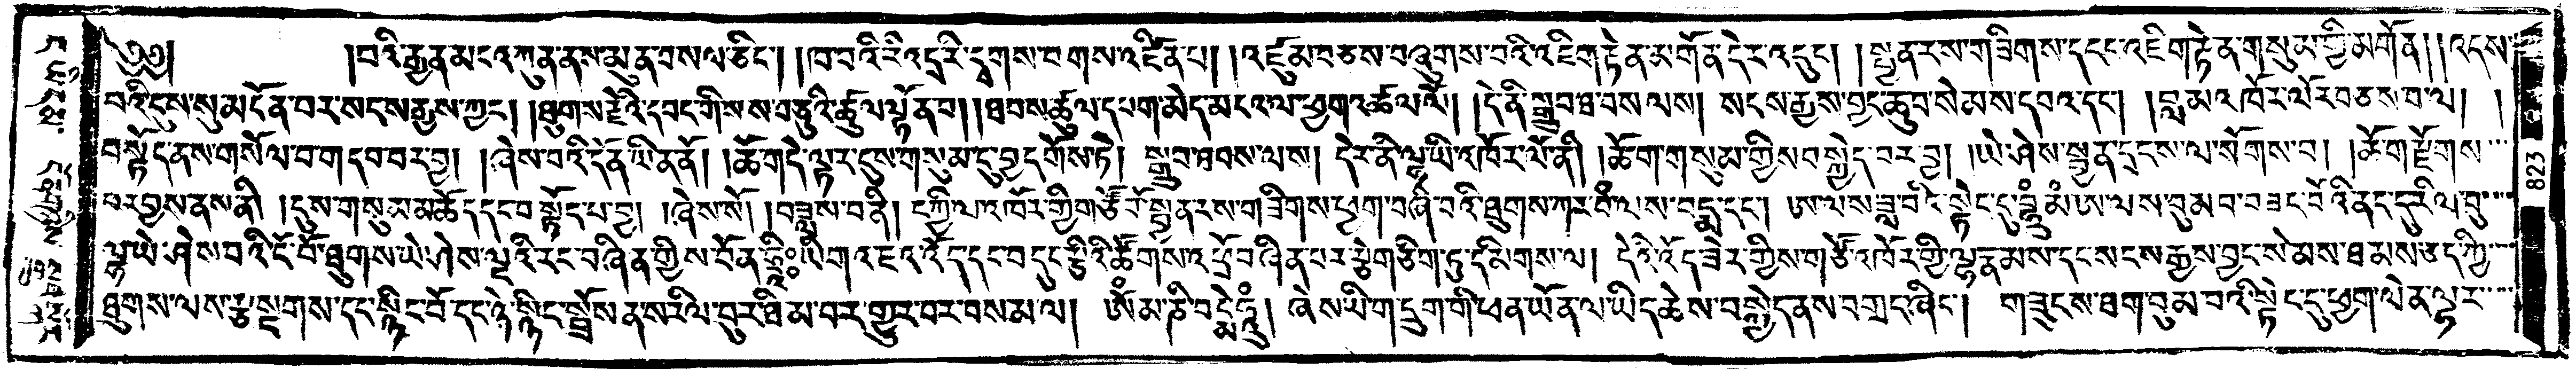༄༅། །བའི་རྒྱན་བ་དང་ཀུན་ནས་ཐུན་བསལ་ཅིང་། །ཁབ་པའི་རི་འདྲ་རི་དྭགས་པ་གས་འཛིན་པ། །འཛུམ་བཅས་བཞུགས་པའི་འཇིག་རྟེན་མགོན་དེར་འདུང་། །སྤྱན་རས་གཟིགས་དང་འཇིག་རྟེན་གསུམ་གྱི་མགོན། །འདས་
བའི་དུས་སུ་མངོན་པར་སངས་རྒྱས་ཀྱང་། །ཐུགས་རྗེའི་དབང་གིས་ས་བཅུའི་ཚུལ་ལྟོན་པ། །ཐབས་ཚུལ་དཔག་མེད་མངལ་བ་ལ་ཕྱག་འཚལ་ལོ། །དེ་ནི་སྒྲུབ་ཐབས་ལས། སངས་རྒྱས་བྱང་ཆུབ་སེམས་དཔའ་དང་། །བླ་མ་འཁོར་ལོར་བཅས་པ་ལ། །
བསྟོང་རས་གསོལ་པ་གདབ་བར་བྱ་ཞེས་པའི་དོན་ཡིན་ནོ། །ཆོག་དེ་ལྟར་དུས་གསུམ་དུ་བྱ་དགོས་ཏེ། སྒྲུབ་ཐབས་ལས། དེར་ནི་ལྷ་ཡི་འཁོར་ལོ་ནི། །ཆོག་གསུམ་གྱིས་བསྐྱེད་བར་བྱ། །ཡེ་ཤེས་སྤྱན་དང་?་སོགས་རབ། །?  ?
བར་བྱས་ནས་ནི། །དུས་གསུམ་མཆོད་དང་བསྟོད་པ་བྱ། །ཞེས་སོ༑ །?  བའི་དཀྱིལ་འཁོར་གྱི་གཙོ་བོ་སྤྱན་རས་གཟིགས་ཕྱག་བཞི་བའི་རྯུགས་གང་བ་ལས་པདམ་དང་། ཨ་ལས་ཟླ་བའི་སྟིང་དུ་བྷུཾ་མཾ་ཨ་ལ་བུ་མ་བཟང་པོའི་ནང་དུའི་ཁུ་
ལྷ་ཡེ་ཤེས་བའི་ངོ་བོ་ཐུགས་ཡེ་ཤེས་ལྔའི་རང་བཞིན་གྱིས་བོན་ཧྲཱི་Hཡིག་འཇའ་འོད་དང་བ་དུང་རྩིའི་ཚོགས་ཕྲོ་བཞིན་པར་རྩེ་གཅིག་ཏུ་མདིགས་ལ། དེའི་འོད་ཟེར་གྱིས་གཙོ་ཁོར་གྱི་ལྷ་ལྷ་རྣམས་དང་སངས་རྒྱས་བྱང་སེམས་ཐམས་ཅད་ཀྱི་
ཐུགས་ལས་རྩ་སྔགས་དང་སྙིང་པོ་དང་ཉེ་སྙིབ་སྤྲོས་ནས་རིལ་བུར་ཐིམ་པར་གྱུར་བར་བསམ་ལ། ཨོཾ་མ་ཎི་པདམེ་ཧཱུཾ། ཞེས་ཡིག་དྲུག་གི་ཕན་ཡོན་ལ་ཡིད་ཆེས་བསྐྱེད་ནས་བགྲང་ཞིང་། གཟུངས་ཐག་བུམ་པའི་སྟེང་དུ་ཕྱག་ལེན་ལྟར་